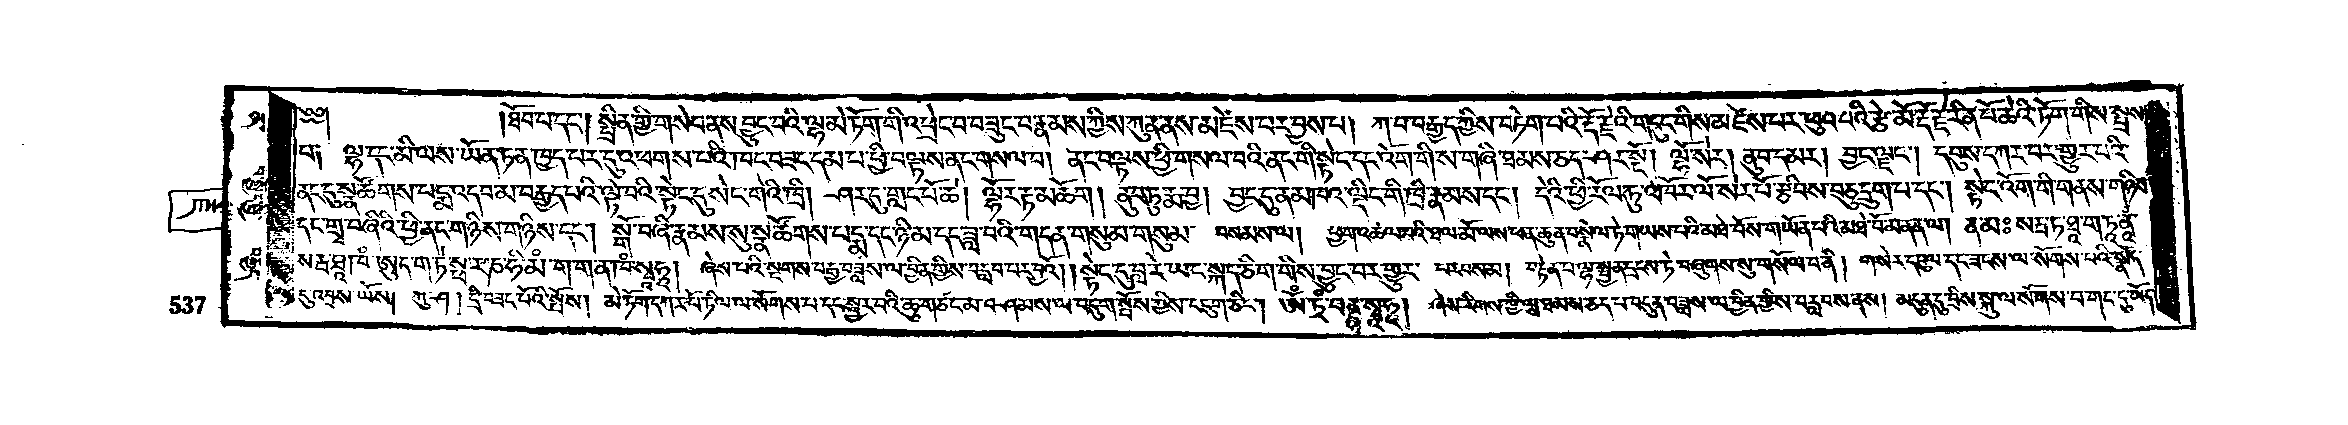༄༅། །ཐོབ་པ་དང་། སྤྲིན་གྱི་གསེབ་ནས་བྱུང་བའི་ལྷ་མེ་ཏོག་གི་འཕྲེང་བ་བཟུང་བ་རྣམས་ཀྱིས་ཀུན་ནས་མཛེས་པར་བྱས་པ། ཀ་བ་བརྒྱད་ཀྱིས་བཏེག་པའི་རྡོ་རྗེའི་གདུང་གིས་མཛེས་པར་ཕུབ་པའི་རྩེ་མོ་རྡོ་རྗེ་རིན་པོ་ཆེའི་ཏོག་གིས་སྤྲས་
པ༑ ལྷ་དང་མི་ལས་ཡོན་ཏན་ཁྱད་པར་དུ་འཕགས་པའི་གང་བཟང་དམ་པ་ཕྱི་བལྟས་ནང་གསལ་བ། ནང་བླས་ཕྱི་གསལ་བའི་ནང་གི་སྟེང་དང་འོག་གི་ས་བཞི་ཐམས་ཅད་ཤར་སྒོ། ལྷོ་སེར། ནུབ་དམར། བྱང་ལྗང་། དབུས་དཀར་བར་གྱུར་པའི་
ནང་དུ་སྣ་ཚོགས་པདམ་འདབ་མ་བརྒྱད་པའི་ལྟེ་བའི་སྟེང་དུ་སེང་གེའི་ཁྲི། ཤར་དུ་གླང་པོ་ཆེ། ལྷོར་རྟ་མཆོག །ནུབ་ཏུ་རྨ་བྱ། བྱང་དུ་ནམ་མཁའི་ལྡིང་གི་ཁྲི་རྣམས་དང་། དེའི་ཕྱི་རོལ་ཏུ་འཁོར་ལོ་སེར་པོ་རྩིབས་བཅུ་དྲུག་པ་དང་། སྟེང་འོག་གི་གནས་གཉིས་
དང་གྲྭ་བཞིའི་ཕྱི་ནང་གཉིས་གཉིས་དང་། སྒོ་བཞི་རྣམས་སུ་སྣ་ཚོགས་པདམ་དང་ཉི་མ་དང་ཟླ་བའི་གདན་གསུམ་གསུམ་བསམས་ལ། ཕྱག་འཚལ་བའི་ཐལ་མོ་ལས་ཕུན་ཚུན་བསྣེལ་ཏེ་གཡས་པའི་མཐེ་བོས་གཡོན་པའི་མཐེ་བོ་མནན་ལ། ན་མཿ སརྦ་ཏ་ཐཱ་ག་ཏཱ་ནཱ་
སརྦ་ཐཱ་ཁཾ་ཨུད་ག་ཏེ་སྥ་ར་ཎ་ཧི་མཾ་ག་ག་ན་ཁཾ་སྭཱ་ཧཱ། ཞེས་པའི་སྔགས་བརྒྱ་བཟླས་ལ་བྱིན་གྱིས་བརླབ་པར་བྱའོ། །སྟེང་དུ་བླ་རེ་ཡང་སྐད་ཅིག་གིས་བྱུང་བར་གྱུར་པར་བསམ། བརྟེན་པ་ལྷ་སྤྱན་དྲངས་ཏེ་བཞུགས་སུ་གསོལ་བ་ནི། གསེར་གྔུལ་དང་ཟངས་ལ་སོགས་པའི་སྣོད་
དུ་འབྲས་ཡོས། ཀུ་ཤ། དྲི་བཟང་པོའི་སྤོས། མེ་ཏོག་དཀར་པོ་ཏིལ་ལ་ཨོགས་པ་དང་སྦྱར་བའི་ཆུ་གཅང་མ་བཤམས་ལ་བདུད་སྤོས་ཀྱིས་བདུག་ཅིང་། ཨོཾ་ཏྲཾ་བནྡྷ་སྭཱ་ཧཱ། ཞེས་རིགས་ཀྱི་ལས་ཐམས་ཅད་ལ་བདུན་བཟླས་ལ་བྱིན་གྱིས་བརླབས་ནས། མདུན་དུ་བྲིས་སྐུ་ལ་སོགས་པ་གང་དུ་ཡོད་